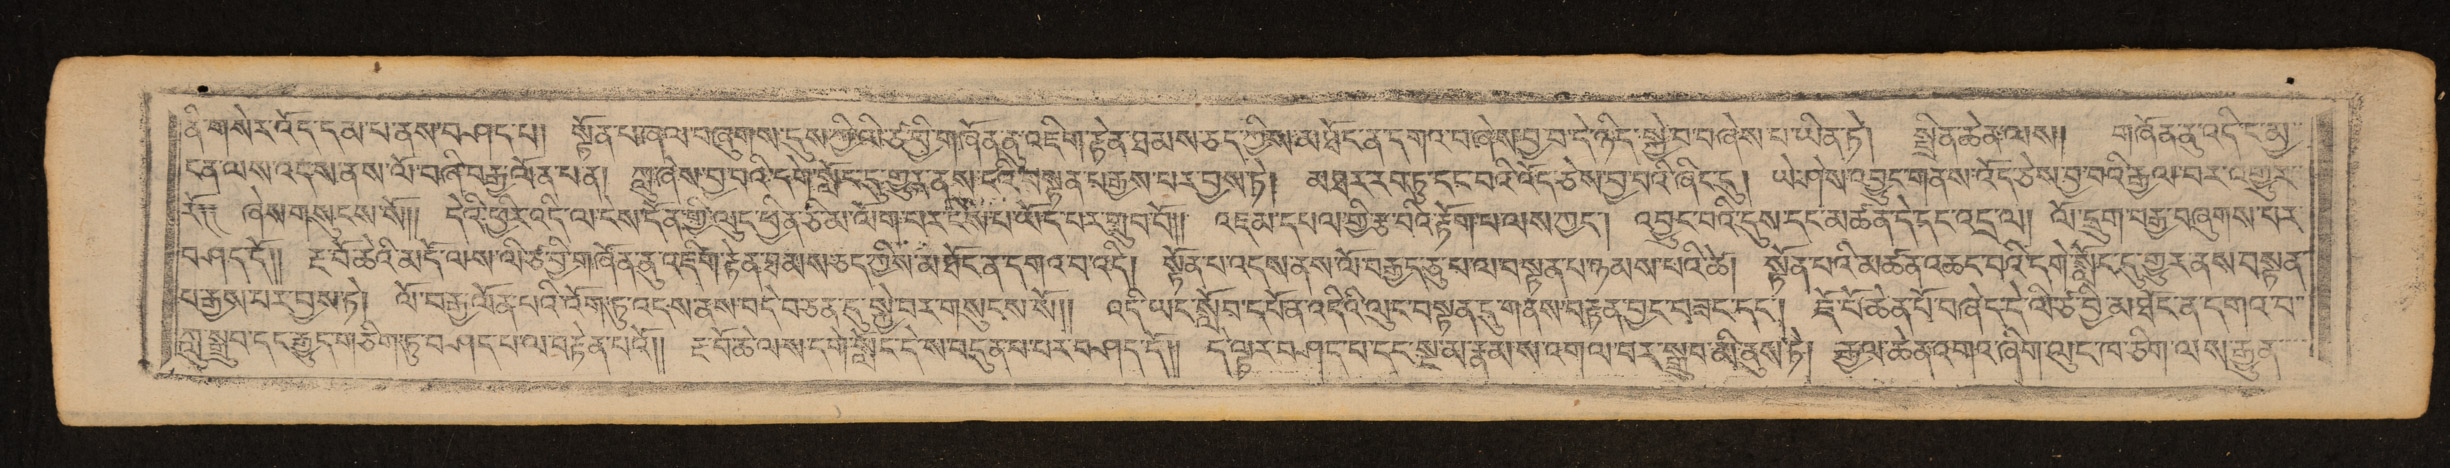ནི་གསེར་འོད་དམ་པ་ནས་བཤད་པ། སྟོན་པ་ཞལ་བཞུགས་དུས་ཀྱི་ལི་ཙ་བྱི་གཞོན་ནུ་འཇིག་རྟེན་ཐམས་ཅད་ཀྱིས་མཐོང་ན་དགའ་བ་ཞེས་བྱ་བ་དེ་ཉིད་སྐྱེ་བ་བཞེས་པ་ཡིན་ཏེ། སྤྲིན་ཆེན་ལས། གཞོན་ནུ་འདི་མྱ་
ངན་ལས་འདས་ནས་ལོ་བཞི་བརྒྱ་ལོན་པ་ན། ཀླུ་ཞེས་བྱ་བའི་དགེ་སློང་དུ་གྱུར་ནས་ངའི་བསྟན་པ་རྒྱས་པར་བྱས་ཏེ། མཐར་རབ་ཏུ་དང་བའི་འོད་ཅེས་བྱ་བའི་ཞིང་དུ། ཡེ་ཤེས་འབྱུང་གནས་འོད་ཅེས་བྱ་བའི་རྒྱལ་བར་འགྱུར་
རོ༑༑ ཞེས་གསུངས་སོ།། དེའི་ཕྱིར་འདི་ལ་ངེས་དོན་གྱི་ལུང་ཕྱིན་ཅི་མ་ལོག་པར་ངེས་པ་ཡོད་པར་གྲུབ་བོ།། འཇམ་དཔལ་གྱི་རྩ་བའི་རྟོག་པ་ལས་ཀྱང་། འབྱུང་བའི་དུས་དང་མཚན་དེ་དང་འདྲ་ལ། ལོ་དྲུག་བརྒྱ་བཞུགས་པར་
བཤད་དོ།། རྔ་བོ་ཆེའི་མདོ་ལས་ལི་ཙ་བྱི་གཞོན་ནུ་འཇིག་རྟེན་ཐམས་ཅད་ཀྱིས་མཐོང་ན་དགའ་བ་འདི། སྟོན་པ་འདས་ནས་ལོ་བརྒྱད་ཅུ་པ་ལ་བསྟན་པ་ཉམས་པའི་ཚེ། སྟོན་པའི་མཚན་འཆང་བའི་དགེ་སློང་དུ་གྱུར་ནས་བསྟན་
པ་རྒྱས་པར་བྱས་ཏེ། ལོ་བརྒྱ་ལོན་པའི་འོག་ཏུ་འདས་ནས་བདེ་བ་ཅན་དུ་སྐྱེ་བར་གསུངས་སོ།། འདི་ཡང་སློབ་དཔོན་འདིའི་ལུང་བསྟན་དུ་གནས་བརྟན་བྱང་བཟང་དང་། ཇོ་བོ་ཆེན་པོ་བཞེད་དེ་ལི་ཙ་བྱི་མཐོང་ན་དགའ་བ་
ཀླུ་སྒྲུབ་དང་རྒྱུད་གཅིག་ཏུ་བཤད་པ་ལ་བརྟན་པའོ།། རྔ་བོ་ཆེ་ལས་དགེ་སློང་དེ་ས་བདུན་པ་བར་བཤད་དོ།། དེ་ལྟར་བཤད་པ་དང་སྔ་མ་རྣམས་འགལ་བར་སྒྲུབ་མི་ནུས་ཏེ། རྒྱལ་ཆེན་འགའ་ཞིག་ལུང་ཁ་ཅིག་ལས་རྒྱུན་